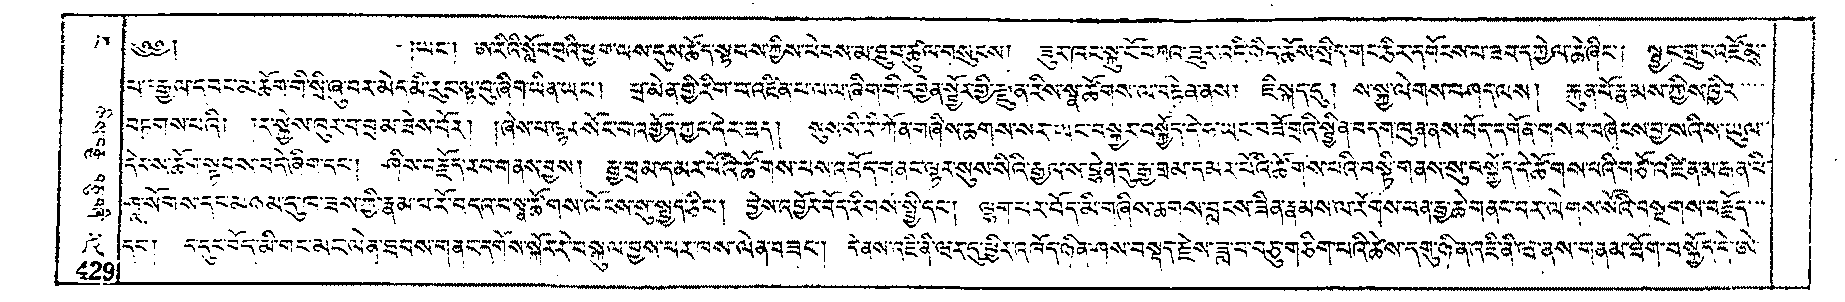༄༅། །ཡང་། ཨ་རིའི་སློབ་གྲའི་ཕྱག་ལས་དུས་ཚོད་སྟབས་ཀྱིས་ཕེབས་མ་ཐུབ་ཚུལ་གསུངས། ཟུར་ཁང་སྐུ་ངོ་བཀའ་ཟུར་འདི་ཉིད་ཆོས་སྲིད་གང་ཅིར་དགོངས་པ་ཟབ་དཀྱེལ་ཆེ་ཞིང་། སྦྱང་གྲུང་འཛོམས་
པ་༧རྒྱལ་དབང་མཆོག་གི་སྲི་ཞུ་བར་མེད་མི་རུང་ལྟ་བུ་ཞིག་ཡིན་ཡང་། ཕྲ་མེན་གྱི་རིག་པ་འཛིན་པ་ལ་ལ་ཞིག་གི་དབྱེན་སྦྱོར་གྱི་རྫུན་རིས་སྣ་ཚོགས་ལ་བརྟེན་ནས། ཇི་སྐད་དུ། ས་སྐྱ་ལེགས་བཤད་ལས། རྐུན་པོ་རྣམས་ཀྱིས་ཁྱིར་
བཏགས་པའི། །ར་སྐྱེས་ཁུར་བ་བྲམ་ཟེས་བོར། །ཞེས་པ་ལྟར་སོང་བ་འགྱོད་ཀྱང་དེར་ཟད། སུས་སི་རི་ཀོན་གཞིས་ཆགས་སར་ཡང་བསྐྱར་བསྐྱོད་དེ་ཧ་ཡང་བཟོ་གྲའི་སྦྱིན་བདག་ཁུན་ནས་བོད་དགོན་གསར་བཞེངས་བྱ་སའི་ས་ཡུལ་
དེར་ས་ཆོག་སྟབས་བདེ་ཞིག་དང་། ཤིས་བརྗོད་རབ་གནས་བྱས། རྒྱ་གྲམ་དམར་པོའི་ཚོགས་པས་འབོད་གནང་ལྟར་སུས་སིའི་རྒྱལ་ས་བྷེན་དུ་རྒྱ་གྲམ་དམར་པོའི་ཚོགས་པའི་བསྟི་གནས་སུ་བསྐྱོད་དེ་ཚོགས་པའི་གཙོ་འཛིན་མ་རྒན་ཕི་
ཤཱ་སོགས་དང་མཉམ་དུ་ཁ་ཟས་ཀྱི་རྣམ་པ་རོ་བདའ་བ་སྣ་ཚོགས་ལོངས་སུ་སྤྱད་ཅིང་། བྱེས་འབྱོར་བོད་རིགས་སྤྱི་དང་། ལྷག་པར་བོད་མི་གཞིས་ཆགས་བླངས་ཟིན་རྣམས་ལ་རོགས་ཕན་རྒྱ་ཆེ་གནང་བར་ལེགས་སོའི་སྔགས་བརྗོད་
དང་། ད་དུང་བོད་མི་གང་མང་ལེན་ཐབས་གནང་དགོས་སྐོར་རེ་བསྐུལ་བྱས་པར་ཁས་ལེན་བཟང་། དེ་ནས་འཇི་ནི་ཝར་དུ་ཕྱིར་འཁོད་ཉིན་ཤས་བསྡད་རྗེས་ཟླ་བ་བཅུ་གཅིག་པའི་ཚེས་དགུ་ཉིན་འཇི་ནི་ཝ་ནས་གནམ་ཐོག་བསྐྱོད་དེ་ཨེ་